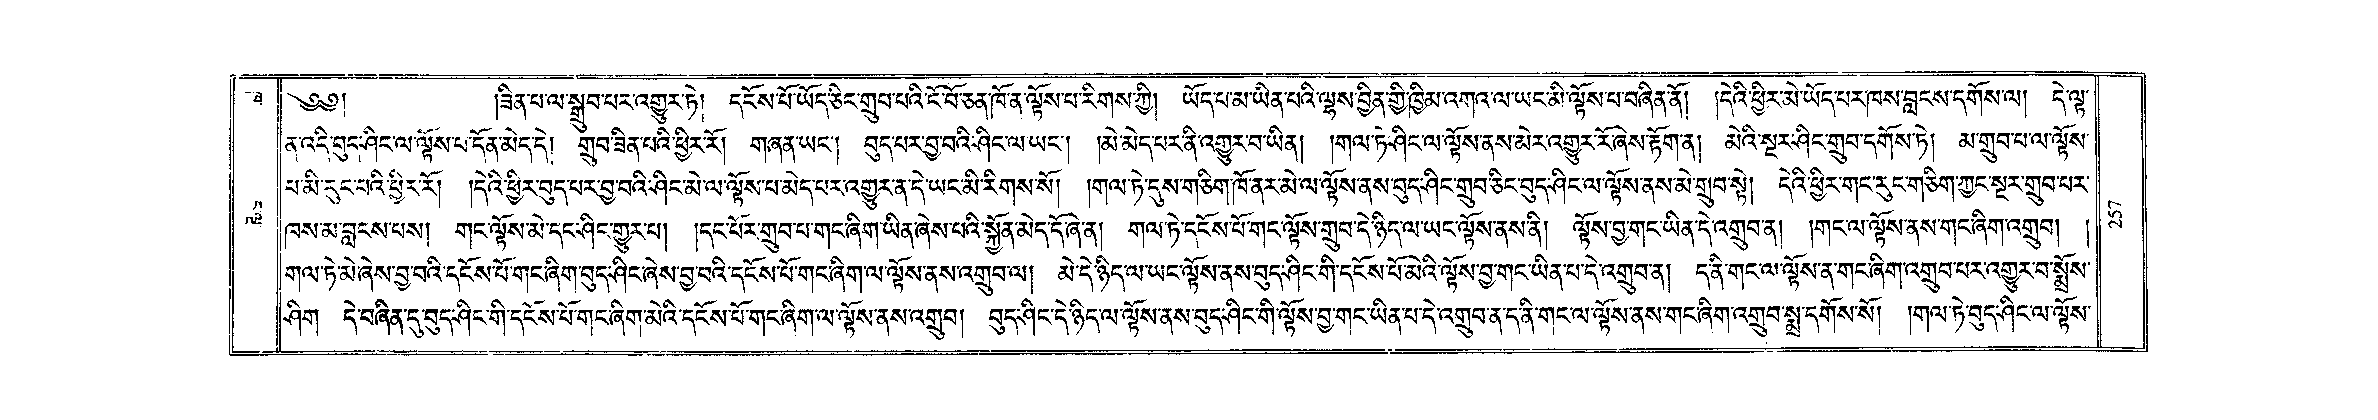༄༅། །ཟིན་པ་ལ་སྒྲུབ་པར་འགྱུར་ཏེ། དངོས་པོ་ཡོད་ཅིང་གྲུབ་པའི་ངོ་བོ་ཅན་ཁོ་ན་ལྟོས་པ་རིགས་ཀྱི། ཡོད་པ་མ་ཡིན་པའི་ལྷས་བྱིན་གྱི་ཁྱིམ་འགའ་ལ་ཡང་མི་ལྟོས་པ་བཞིན་ནོ། །དེའི་ཕྱིར་མེ་ཡོད་པར་ཁས་བླངས་དགོས་ལ། དེ་ལྟ་
ན་འདི་བུད་ཤིང་ལ་ལྟོས་པ་དོན་མེད་དེ། གྲུབ་ཟིན་པའི་ཕྱིར་རོ། གཞན་ཡང་། བུད་པར་བྱ་བའི་ཤིང་ལ་ཡང་། །མེ་མེད་པར་ནི་འགྱུར་བ་ཡིན། །གལ་ཏེ་ཤིང་ལ་ལྟོས་ནས་མེར་འགྱུར་རོ་ཞེས་རྟོག་ན། མེའི་སྔར་ཤིང་གྲུབ་དགོས་ཏེ། མ་གྲུབ་པ་ལ་ལྟོས་
པ་མི་རུང་བའི་ཕྱིར་རོ། །དེའི་ཕྱིར་བུད་པར་བྱ་བའི་ཤིང་མེ་ལ་ལྟོས་པ་མེད་པར་འགྱུར་ན་དེ་ཡང་མི་རིགས་སོ། །གལ་ཏེ་དུས་གཅིག་ཁོ་ནར་མེ་ལ་ལྟོས་ནས་བུད་ཤིང་གྲུབ་ཅིང་བུད་ཤིང་ལ་ལྟོས་ནས་མེ་གྲུབ་སྟེ། དེའི་ཕྱིར་གང་རུང་གཅིག་ཀྱང་སྔར་གྲུབ་པར་
ཁས་མ་བླངས་པས། གང་ལྟོས་མེ་དང་ཤིང་གྱུར་པ། །དང་པོར་གྲུབ་པ་གང་ཞིག་ཡིན་ཞེས་པའི་སྐྱོན་མེད་དོ་ཞེ་ན། གལ་ཏེ་དངོས་པོ་གང་ལྟོས་གྲུབ་དེ་ཉིད་ལ་ཡང་ལྟོས་ནས་ནི། ལྟོས་བྱ་གང་ཡིན་དེ་འགྲུབ་ན། །གང་ལ་ལྟོས་ནས་གང་ཞིག་འགྲུབ། །
གལ་ཏེ་མེ་ཞེས་བྱ་བའི་དངོས་པོ་གང་ཞིག་བུད་ཤིང་ཞེས་བྱ་བའི་དངོས་པོ་གང་ཞིག་ལ་ལྟོས་ནས་འགྲུབ་ལ། མེ་དེ་ཉིད་ལ་ཡང་ལྟོས་ནས་བུད་ཤིང་གི་དངོས་པོ་མེའི་ལྟོས་བྱ་གང་ཡིན་པ་དེ་འགྲུབ་ན། དེ་ནི་གང་ལ་ལྟོས་ན་གང་ཞིག་འགྲུབ་པར་འགྱུར་བ་སྨྲོས་
ཤིག་དེ་བཞིན་དུ་བུད་ཤིང་གི་དངོས་པོ་གང་ཞིག་མེའི་དངོས་པོ་གང་ཞིག་ལ་ལྟོས་ནས་འགྲུབ། བུད་ཤིང་དེ་ཉིད་ལ་ལྟོས་ནས་བུད་ཤིང་གི་ལྟོས་བྱ་གང་ཡིན་པ་དེ་འགྲུབ་ན་ད་ནི་གང་ལ་ལྟོས་ནས་གང་ཞིག་འགྲུབ་སྨྲ་དགོས་སོ། །གལ་ཏེ་བུད་ཤིང་ལ་ལྟོས་